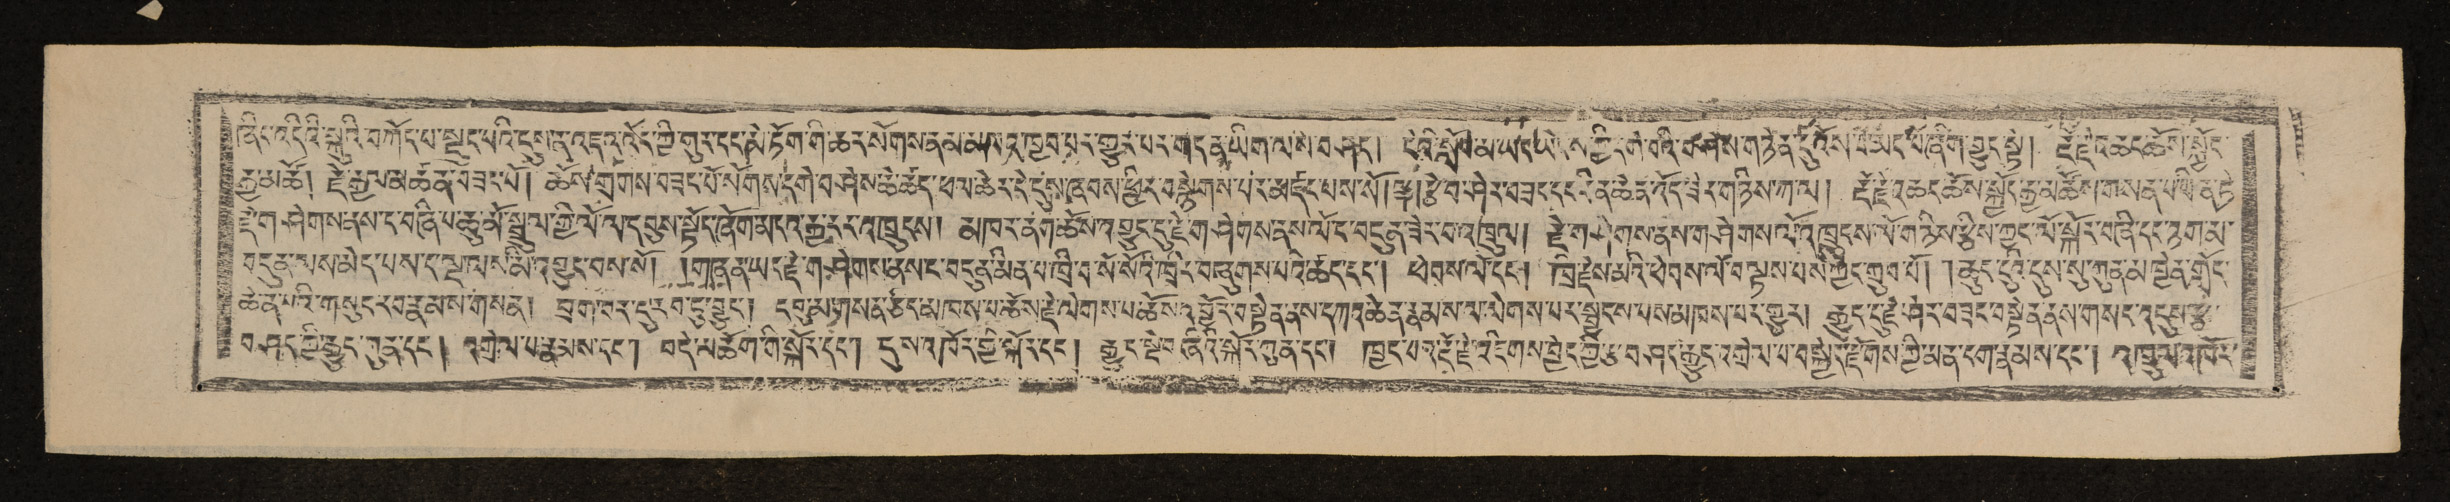ཞིང་འདིའི་སྐུའི་བཀོད་པ་སྡུད་པའི་དུས་ན་འཇའ་འོད་ཀྱི་གུར་དང་མེ་ཏོག་གི་ཆར་སོགས་ནམ་མཁའ་ཁྱབ་པར་གྱུར་པར་གདན་ཡིག་ལས་བཤད། དེའི་སློབ་མ་ཡང་ཡོངས་ཀྱི་དགེ་བའི་བཤེས་གཉེན་དུ་འོས་པ་མང་པོ་ཞིག་བྱུང་སྟེ། རྡོ་རྗེ་འཆང་ཆོས་སྐྱོང་
རྒྱ་མཚོ། རྗེ་རྒྱལ་མཚན་བཟང་པོ། ཆོས་གྲགས་བཟང་པོ་སོགས་དགེ་བཤེས་ཆེ་ཚད་ཕལ་ཆེར་དེ་དུས་ཞབས་ཕྱིར་བསྙེགས་པར་མཛད་པས་སོ། ༈ །རྩེ་བ་ཤེར་བཟང་དང་རིན་ཆེན་འོད་ཟེར་གཉིས་ཀ་ལ། རྡོ་རྗེ་འཆང་ཆོས་སྐྱོང་རྒྱ་མཚོས་གསན་པ་ཡིན་ཏེ།
རྗེ་གཤེགས་ནས་ང་བཞི་པ་ཆུ་མོ་སྤྲུལ་གྱི་ལོ་ལ་དབུས་སྟོད་ཞོག་མངའ་རྒྱ་རར་འཁྲུངས། མཁར་ནག་ཆོས་འབྱུང་དུ་རྗེ་གཤེགས་ནས་ལོ་ང་བདུན་ཟེར་བ་འཁྲུལ། རྗེ་གཤེགས་ནས་གཤེགས་ལོ་འཁྲུངས་ལོ་གཉིས་རྩིས་ཀྱང་ལོ་སྐོར་བཞི་དང་ཉག་མ་
བདུན་ལས་མེད་པས་ང་ལྔ་ལས་མི་འབྱུང་བས་སོ། །གཞན་ཡང་རྗེ་གཤེགས་ནས་ང་བདུན་མིན་པ་ཁྲི་པ་སོ་སོའི་ཁྲིར་བཞུགས་པའི་ཚད་དང་། ཕེབས་ལོ་དང་། ཁྲི་རྗེས་མའི་ཕེབས་ལོ་བལྟས་པས་ཀྱང་གྲུབ་བོ། །ཆུང་ངུའི་དུས་སུ་ཀུན་མཁྱེན་གློང་
ཆེན་པའི་གསུང་རབ་རྣམས་གསན། བྲག་བར་དུ་རབ་ཏུ་བྱུང་། དབུ་མ་གསན་ཅིང་མཁས་པ་ཆོས་རྗེ་ལེགས་པ་ཆོས་འབྱོར་བསྟེན་ནས་དཀའ་ཆེན་རྣམས་ལ་ལེགས་པར་སྦྱངས་པས་མཁས་པར་གྱུར། རྒྱུད་དུ་རྗེ་ཤེར་བཟང་བསྟེན་ནས་གསང་འདུས་རྩ་
བཤད་ཀྱི་རྒྱུད་ཀུན་དང་། འགྲེལ་པ་རྣམས་དང་། བདེ་མཆོག་གི་སྐོར་དང་། དུས་འཁོར་གྱི་སྐོར་དང་། རྒྱུད་སྡེ་བཞིའི་སྐོར་ཀུན་དང་། ཁྱད་པར་རྡོ་རྗེ་འཇིགས་བྱེད་ཀྱི་རྩ་བཤད་རྒྱུད་འགྲེལ་བ་བསྐྱེད་རྫོགས་ཀྱི་མན་ངག་རྣམས་དང་། འཁྲུལ་འཁོར་